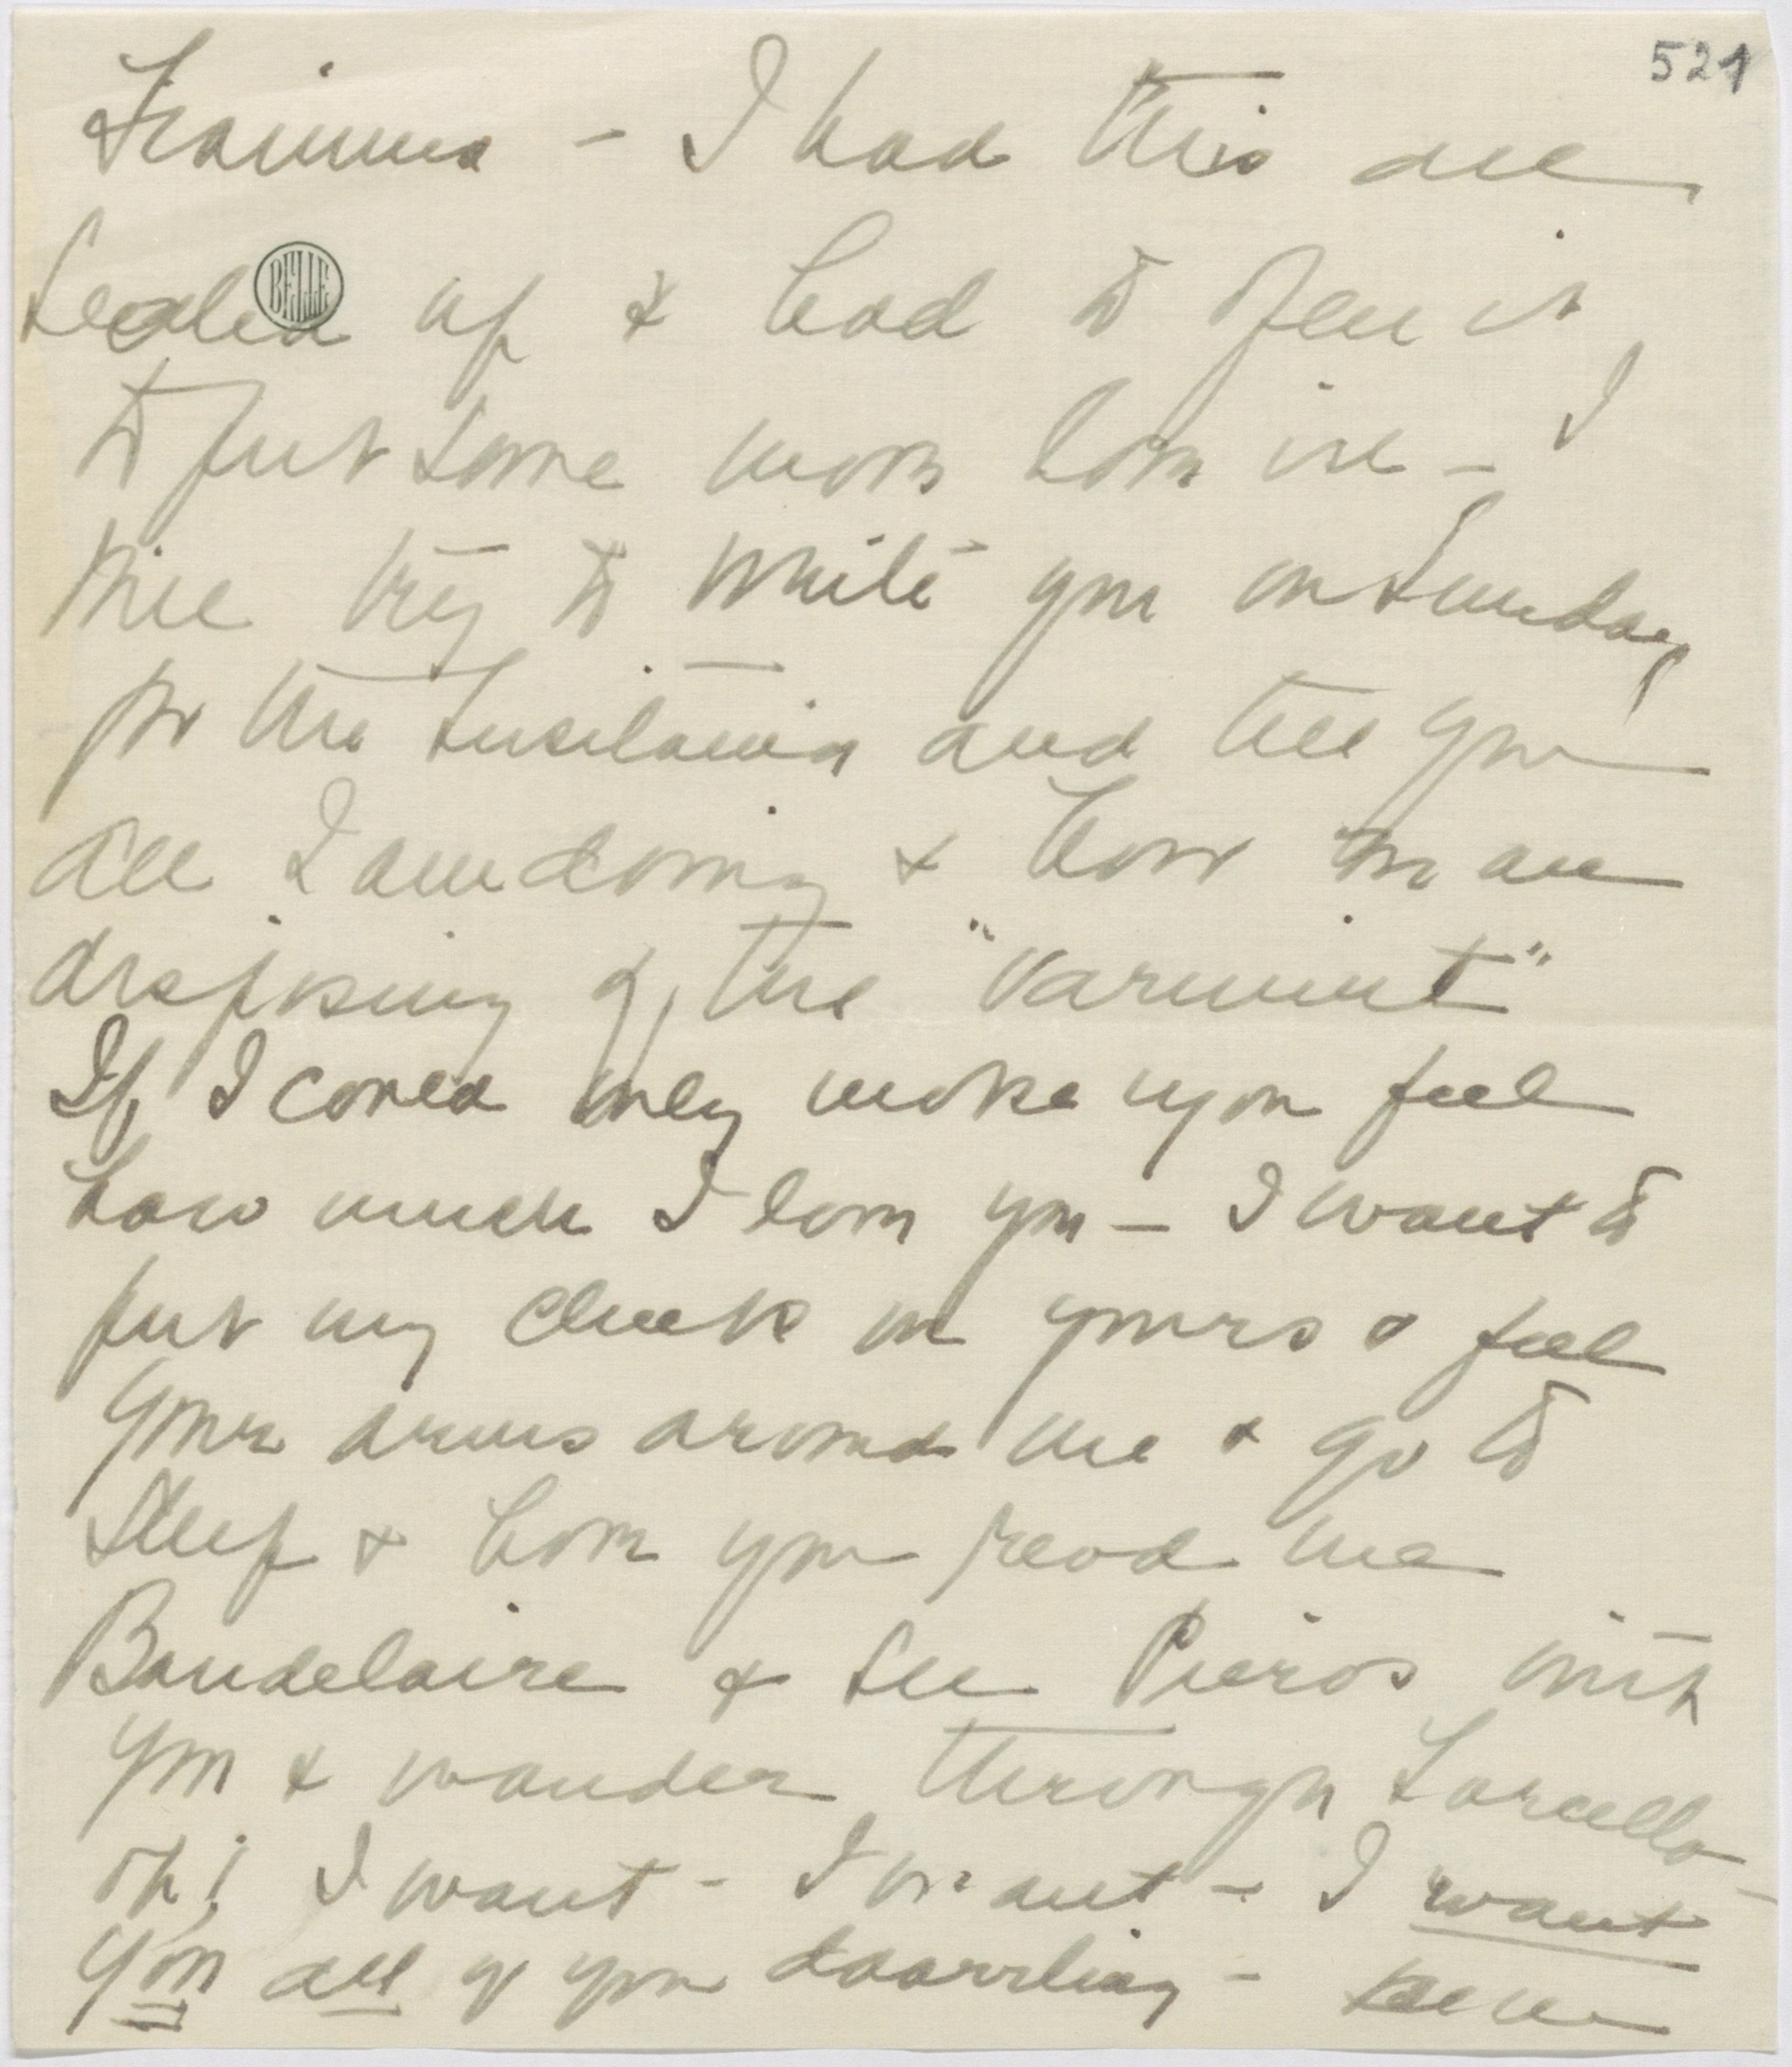Fiamma – I had this all sealed up & had to open it to put some more love in – I will try to write you on Sunday for the Lusitania and tell you all I am doing & how we are disposing of the “varmint”
If I could only make you feel how much I love you – I want to put my cheek on yours & feel your arms around me & go to sleep & have you read me Baudelaire & see Pieros with you & wander through Sarcello – oh! I want – I want – I want [double underlined: you] all of you daarrling – Belle